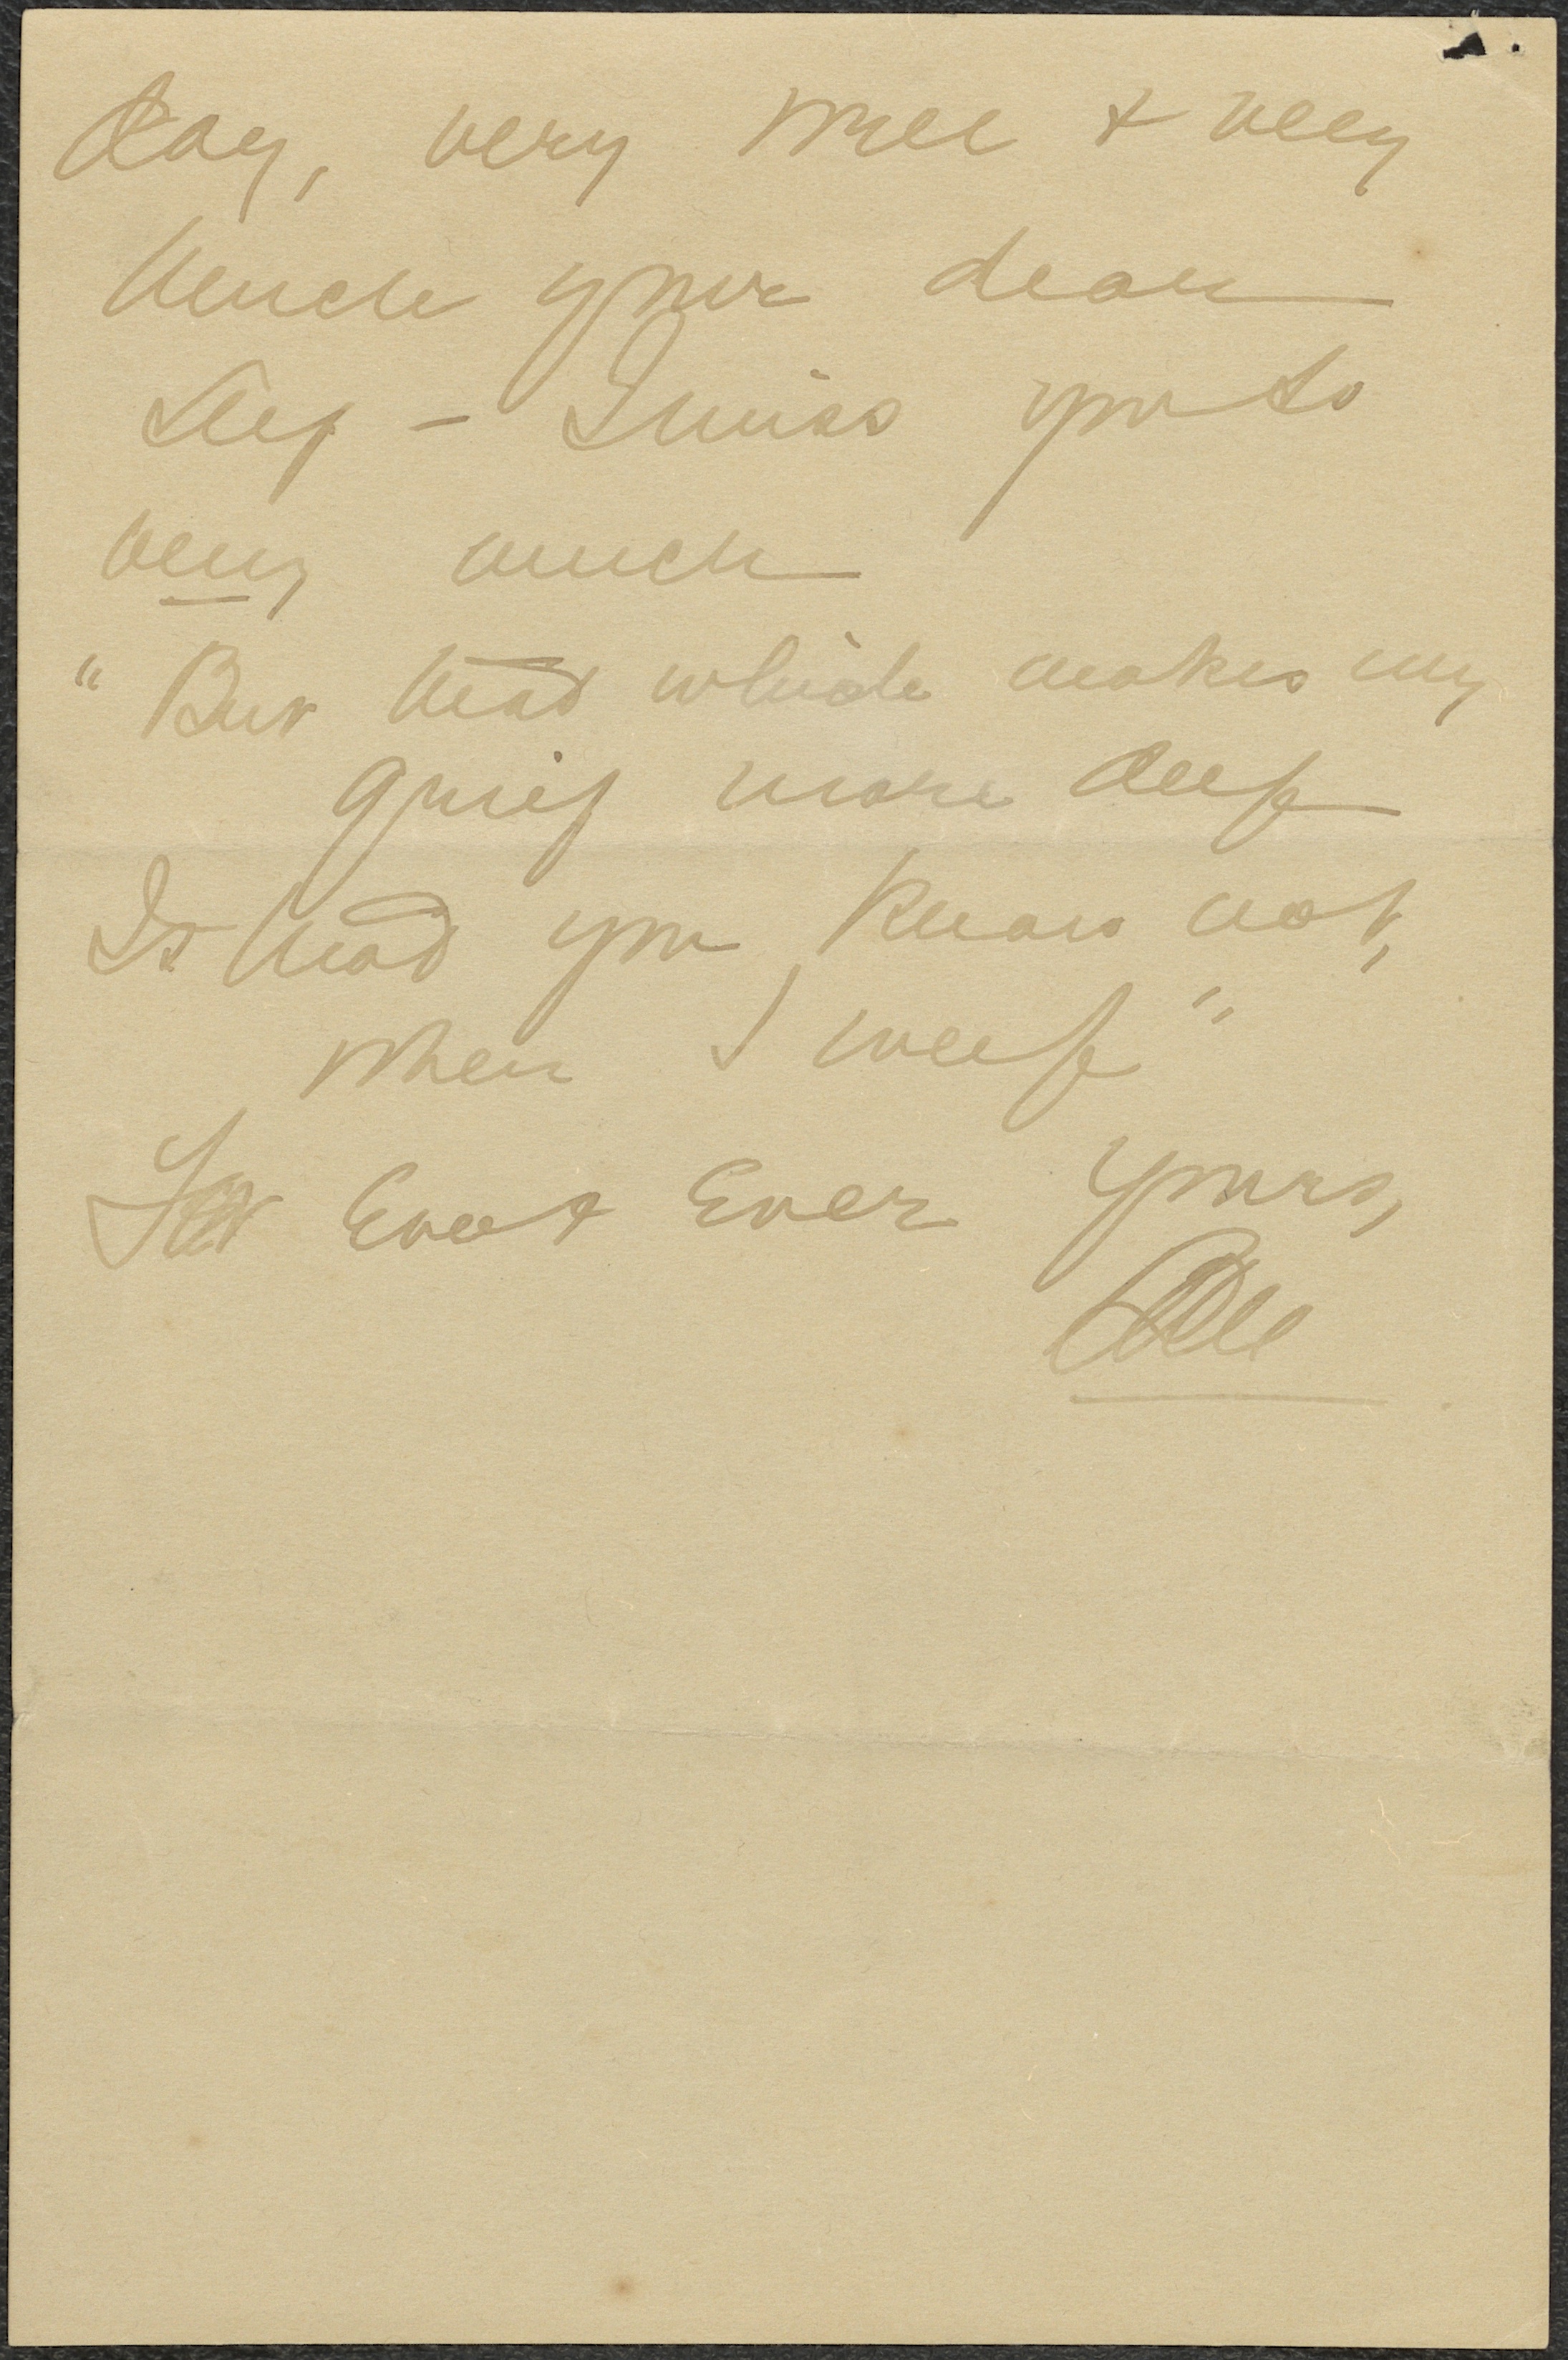day, very well & very much your dear self – I miss you so very much
“But that which makes my
grief more deep
Is that you know not,
when I weep”
For ever & ever yours,
Belle